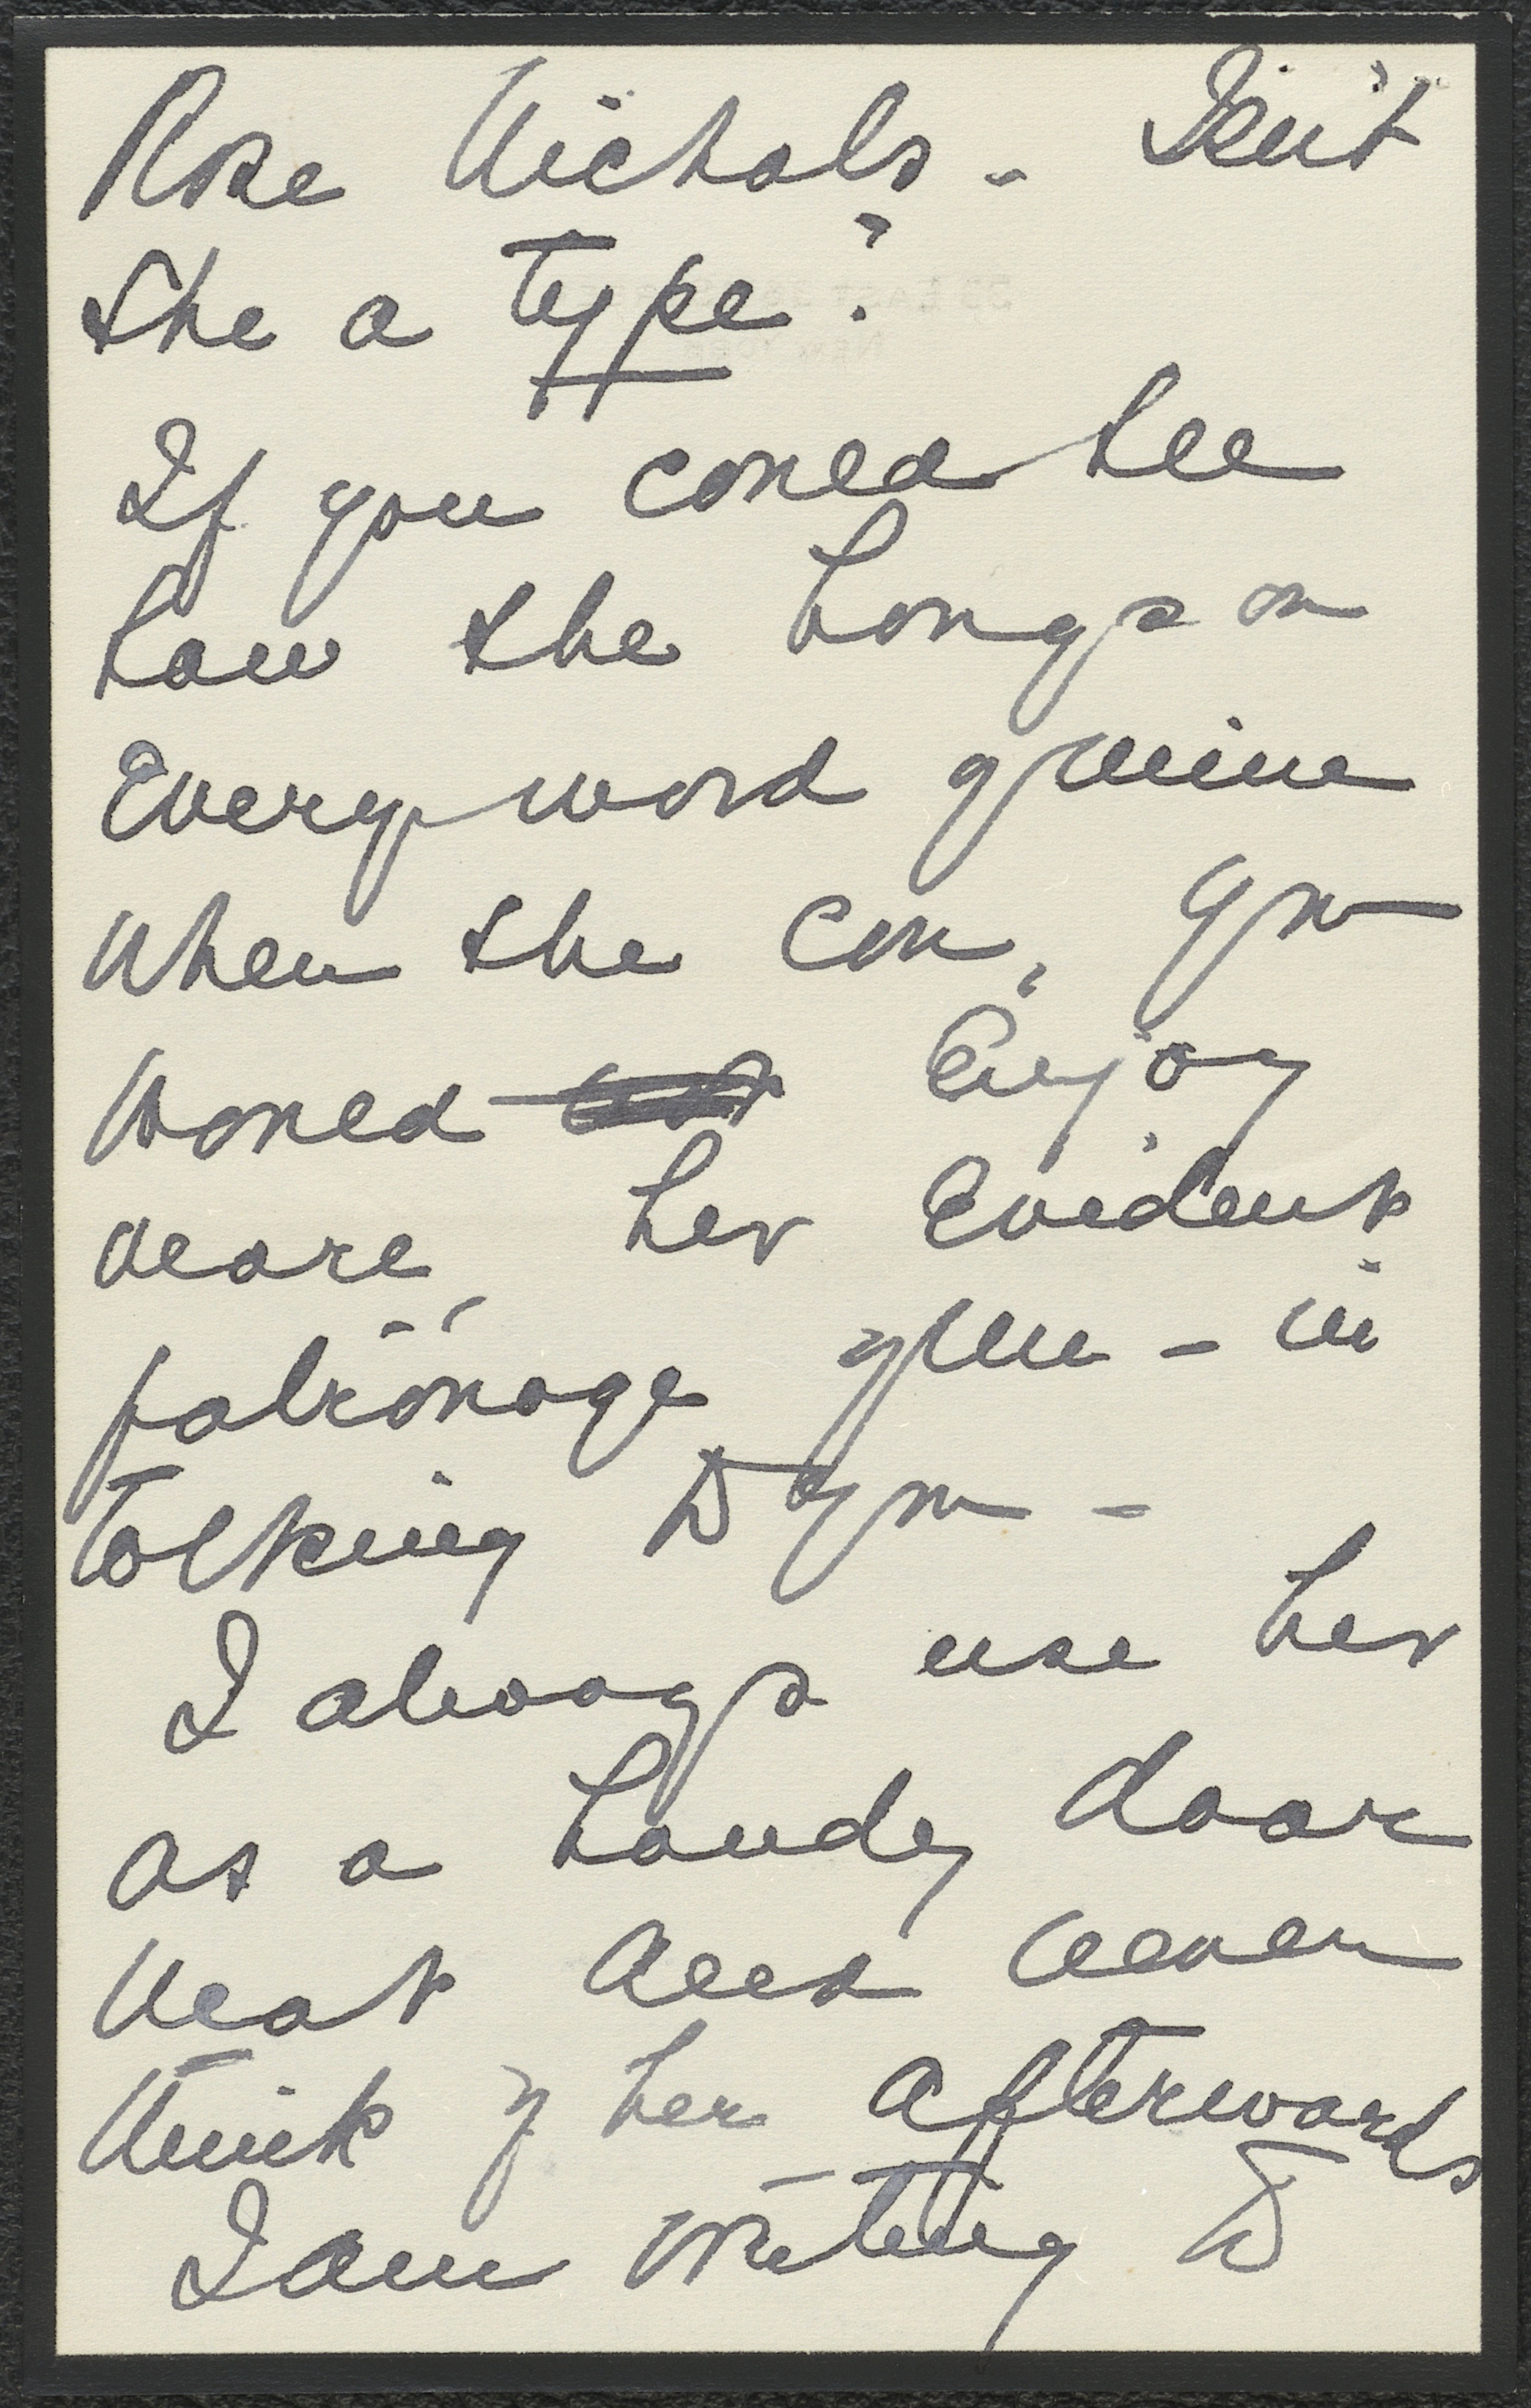Rose Nichols – Isn’t she a type?
If you could see how she hangs on every word of mine when she can, you would not enjoy more her evident patronage often [?]– in talking to you –
I always use her as a handy door mat and never think of her afterwards
I am writing to